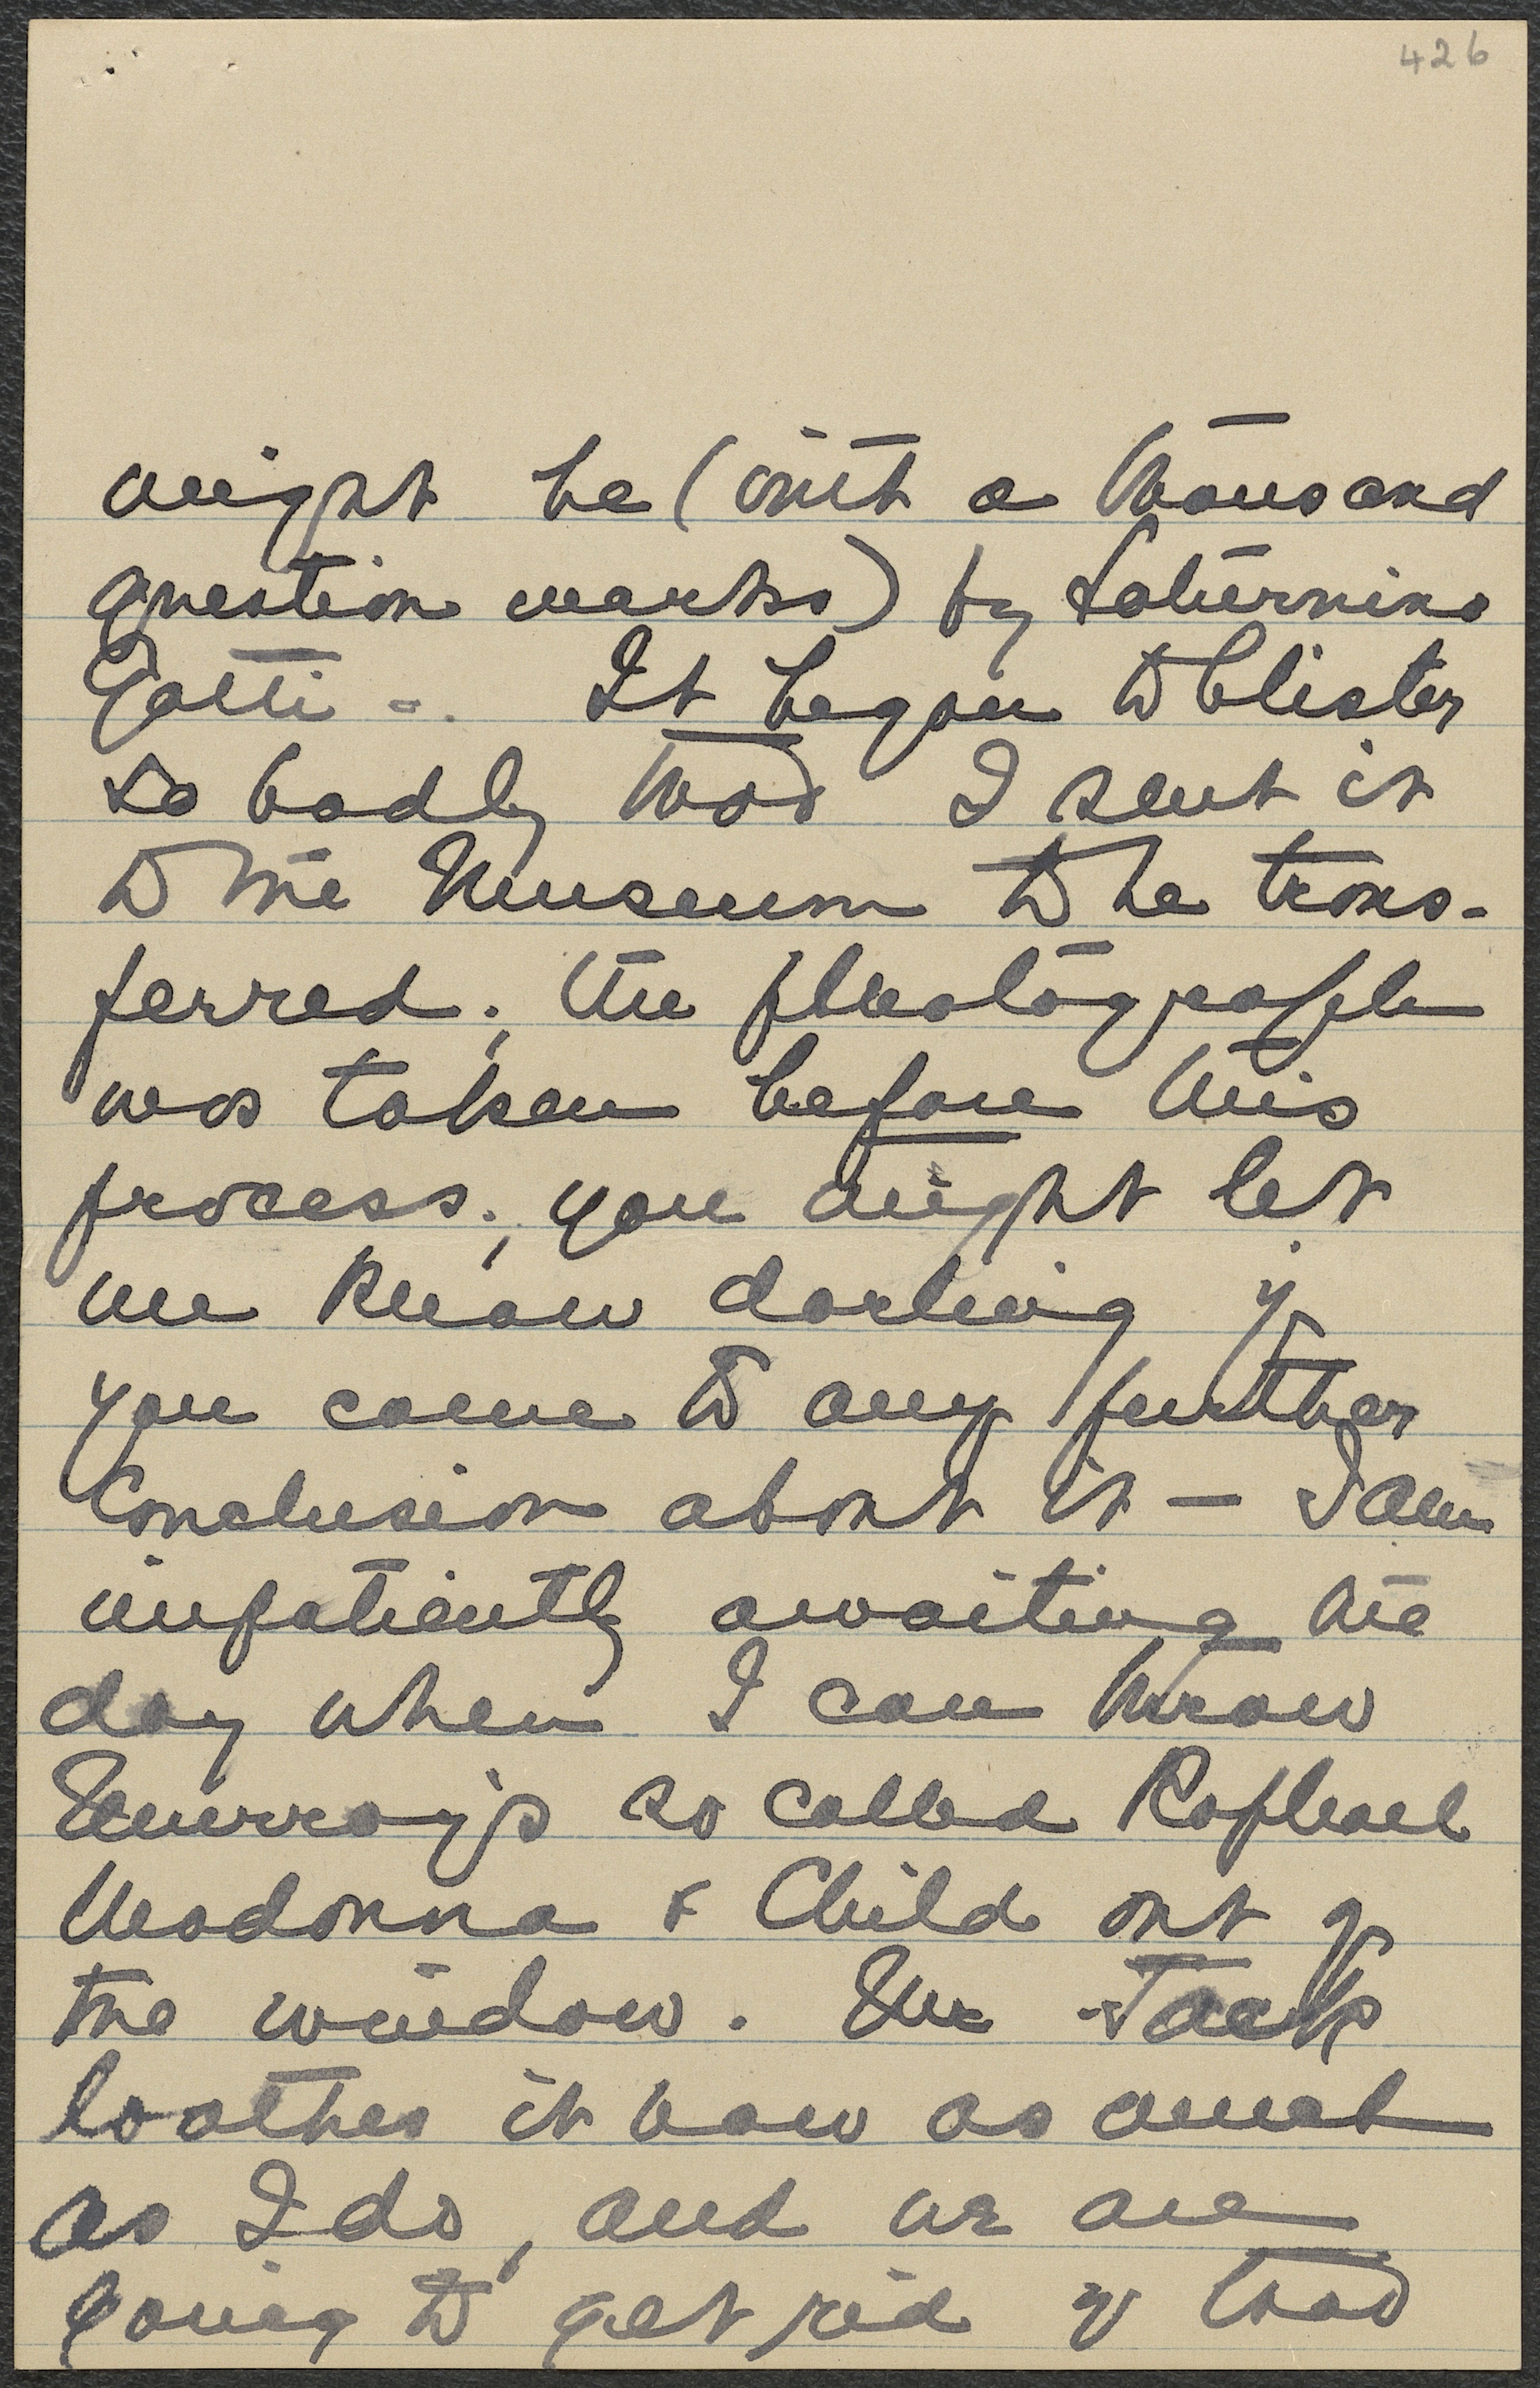might be (with a thousand question marks) by Saturnino Gatti – It began to blister so badly that I sent it to the Museum to be transferred. The photograph was taken before this process; you might let me know darling if you came to any further conclusion about it – I am impatiently awaiting the day when I can throw Murray’s so called Raphael Madonna & Child out of the window. Mr. Jack loathes it now as much as I do, and we are going to get rid of that